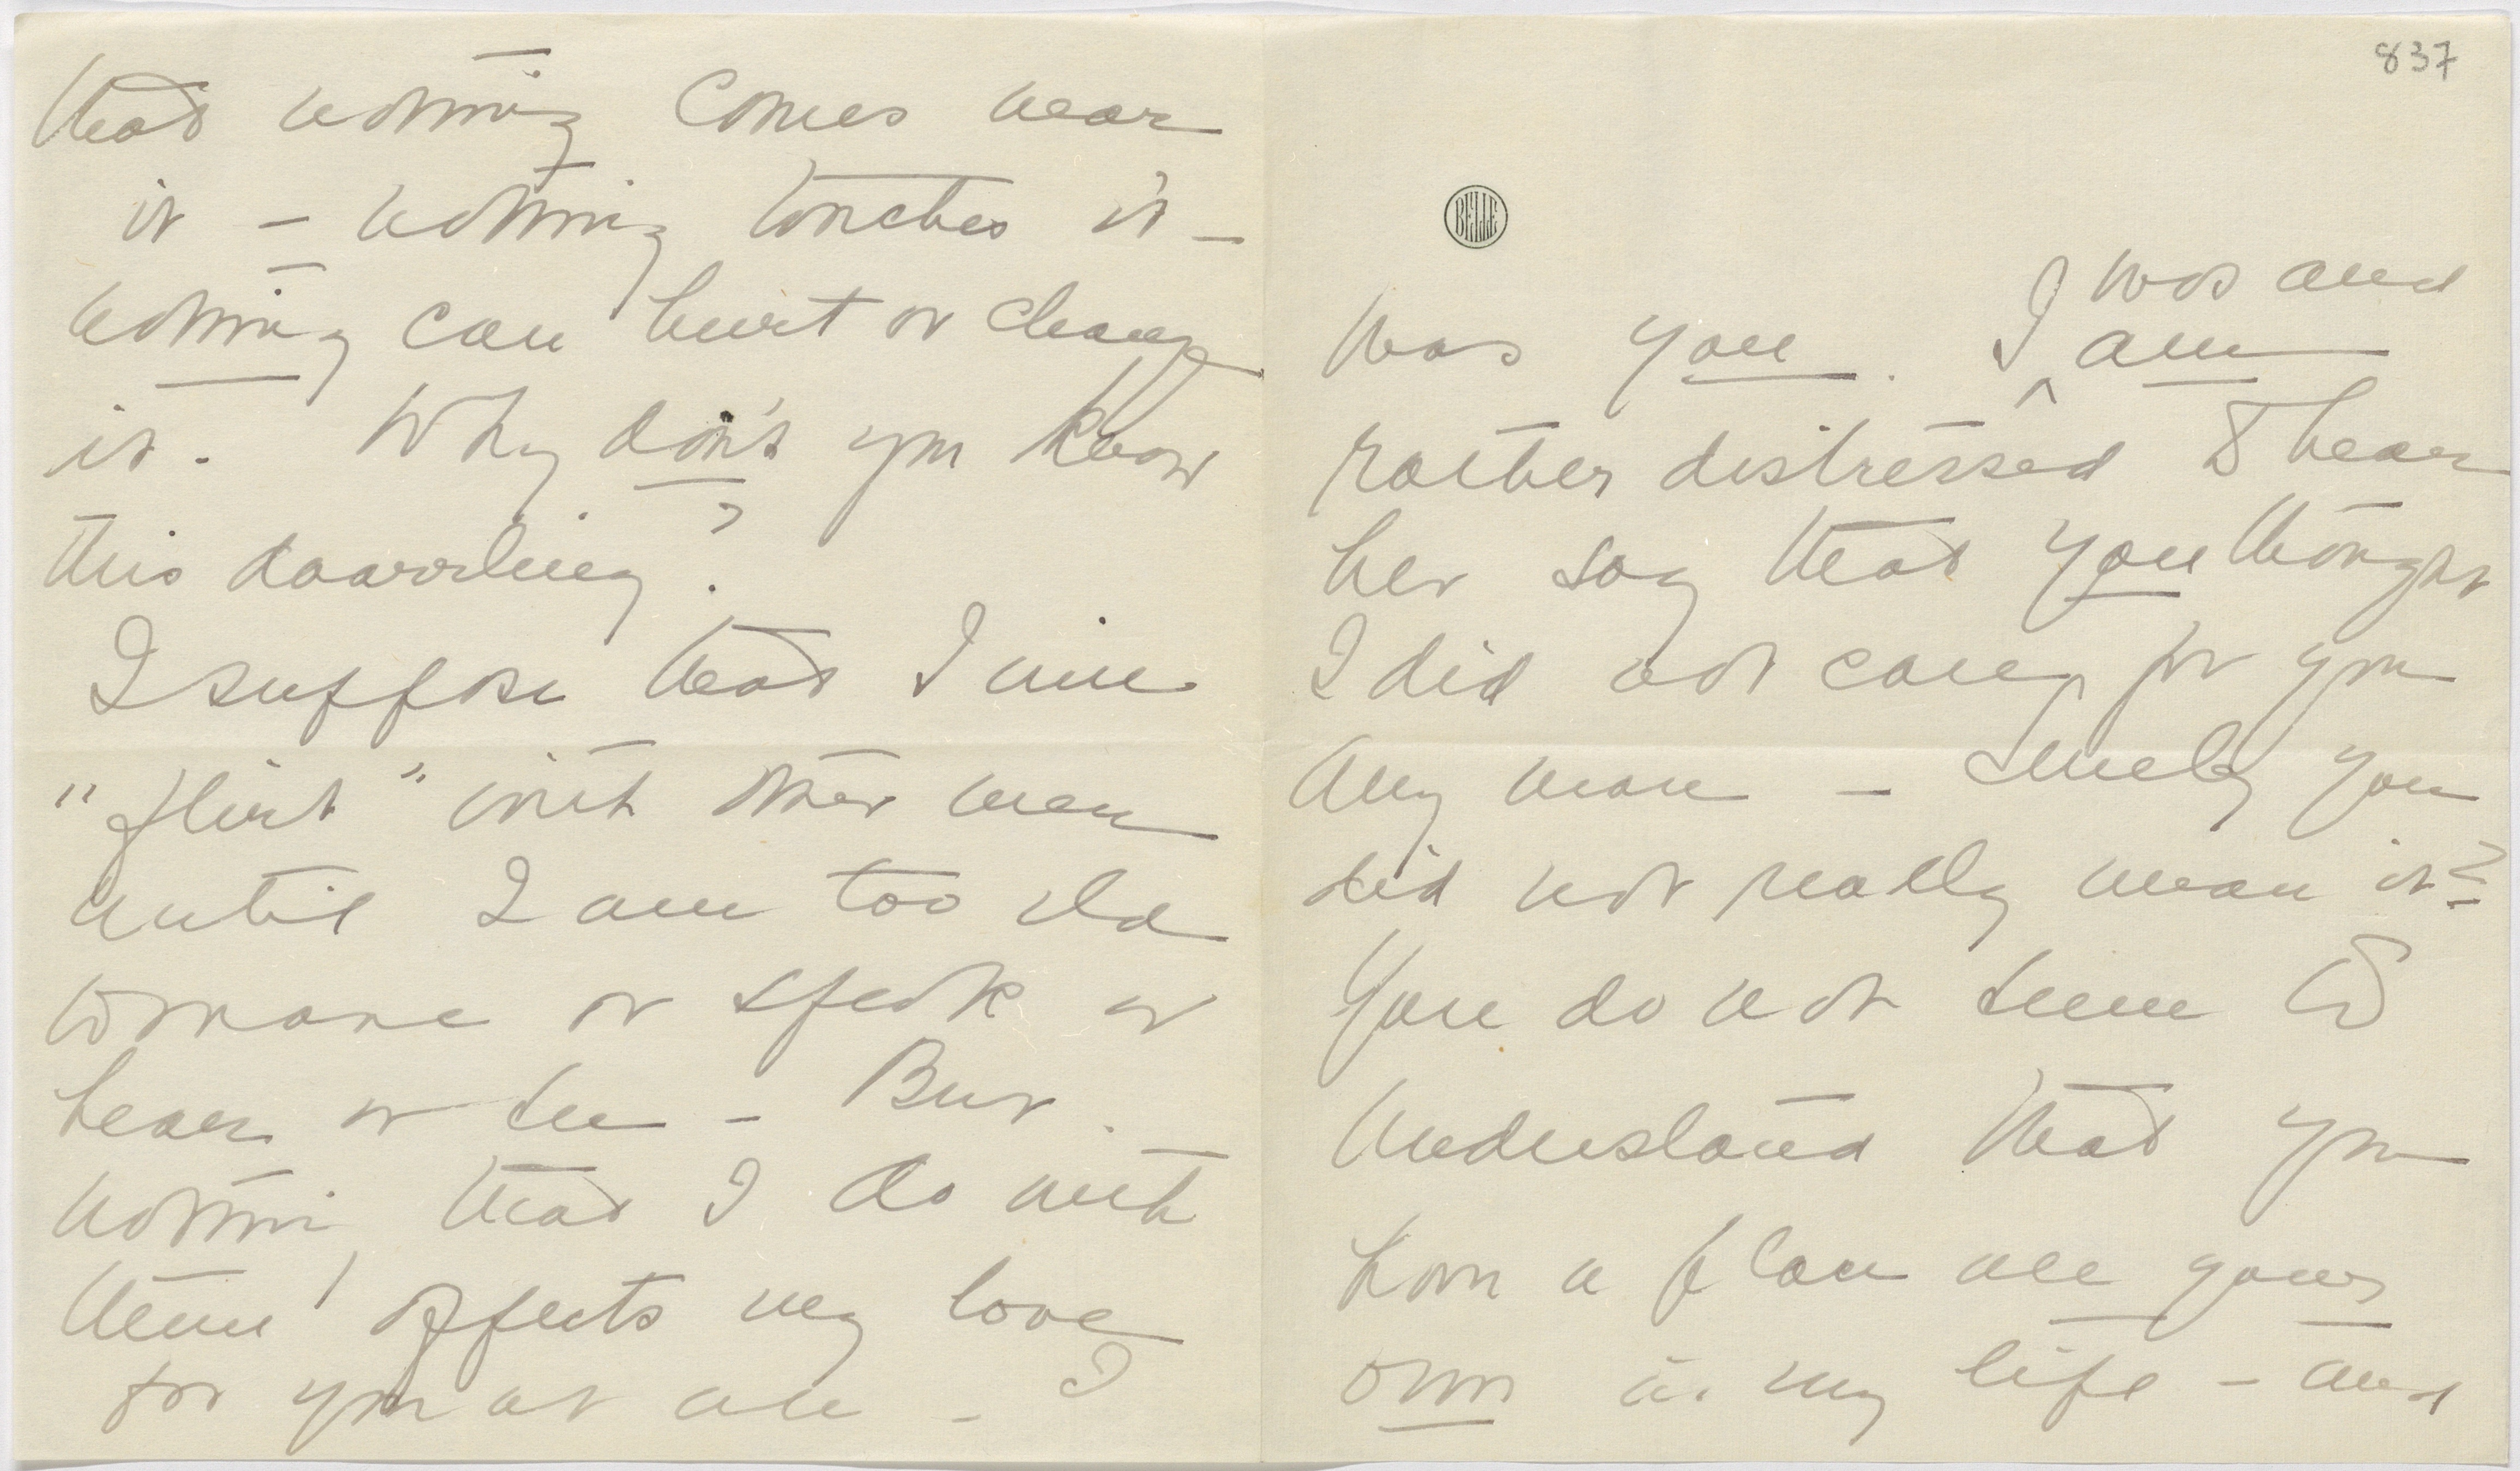was you. I [^was and^] am rather distressed to hear her say that you thought I did not care for you any more – Surely you did not really mean it? You do not seem to understand that you have a place all your own in my life – and
that nothing comes near it – nothing touches it – nothing can hurt or change it. Why don’t you know this daarrling?
I suppose that I will “flirt” with other men until I am too old to move or speak or hear or see – But nothing that I do with them affects my love for you at all – I